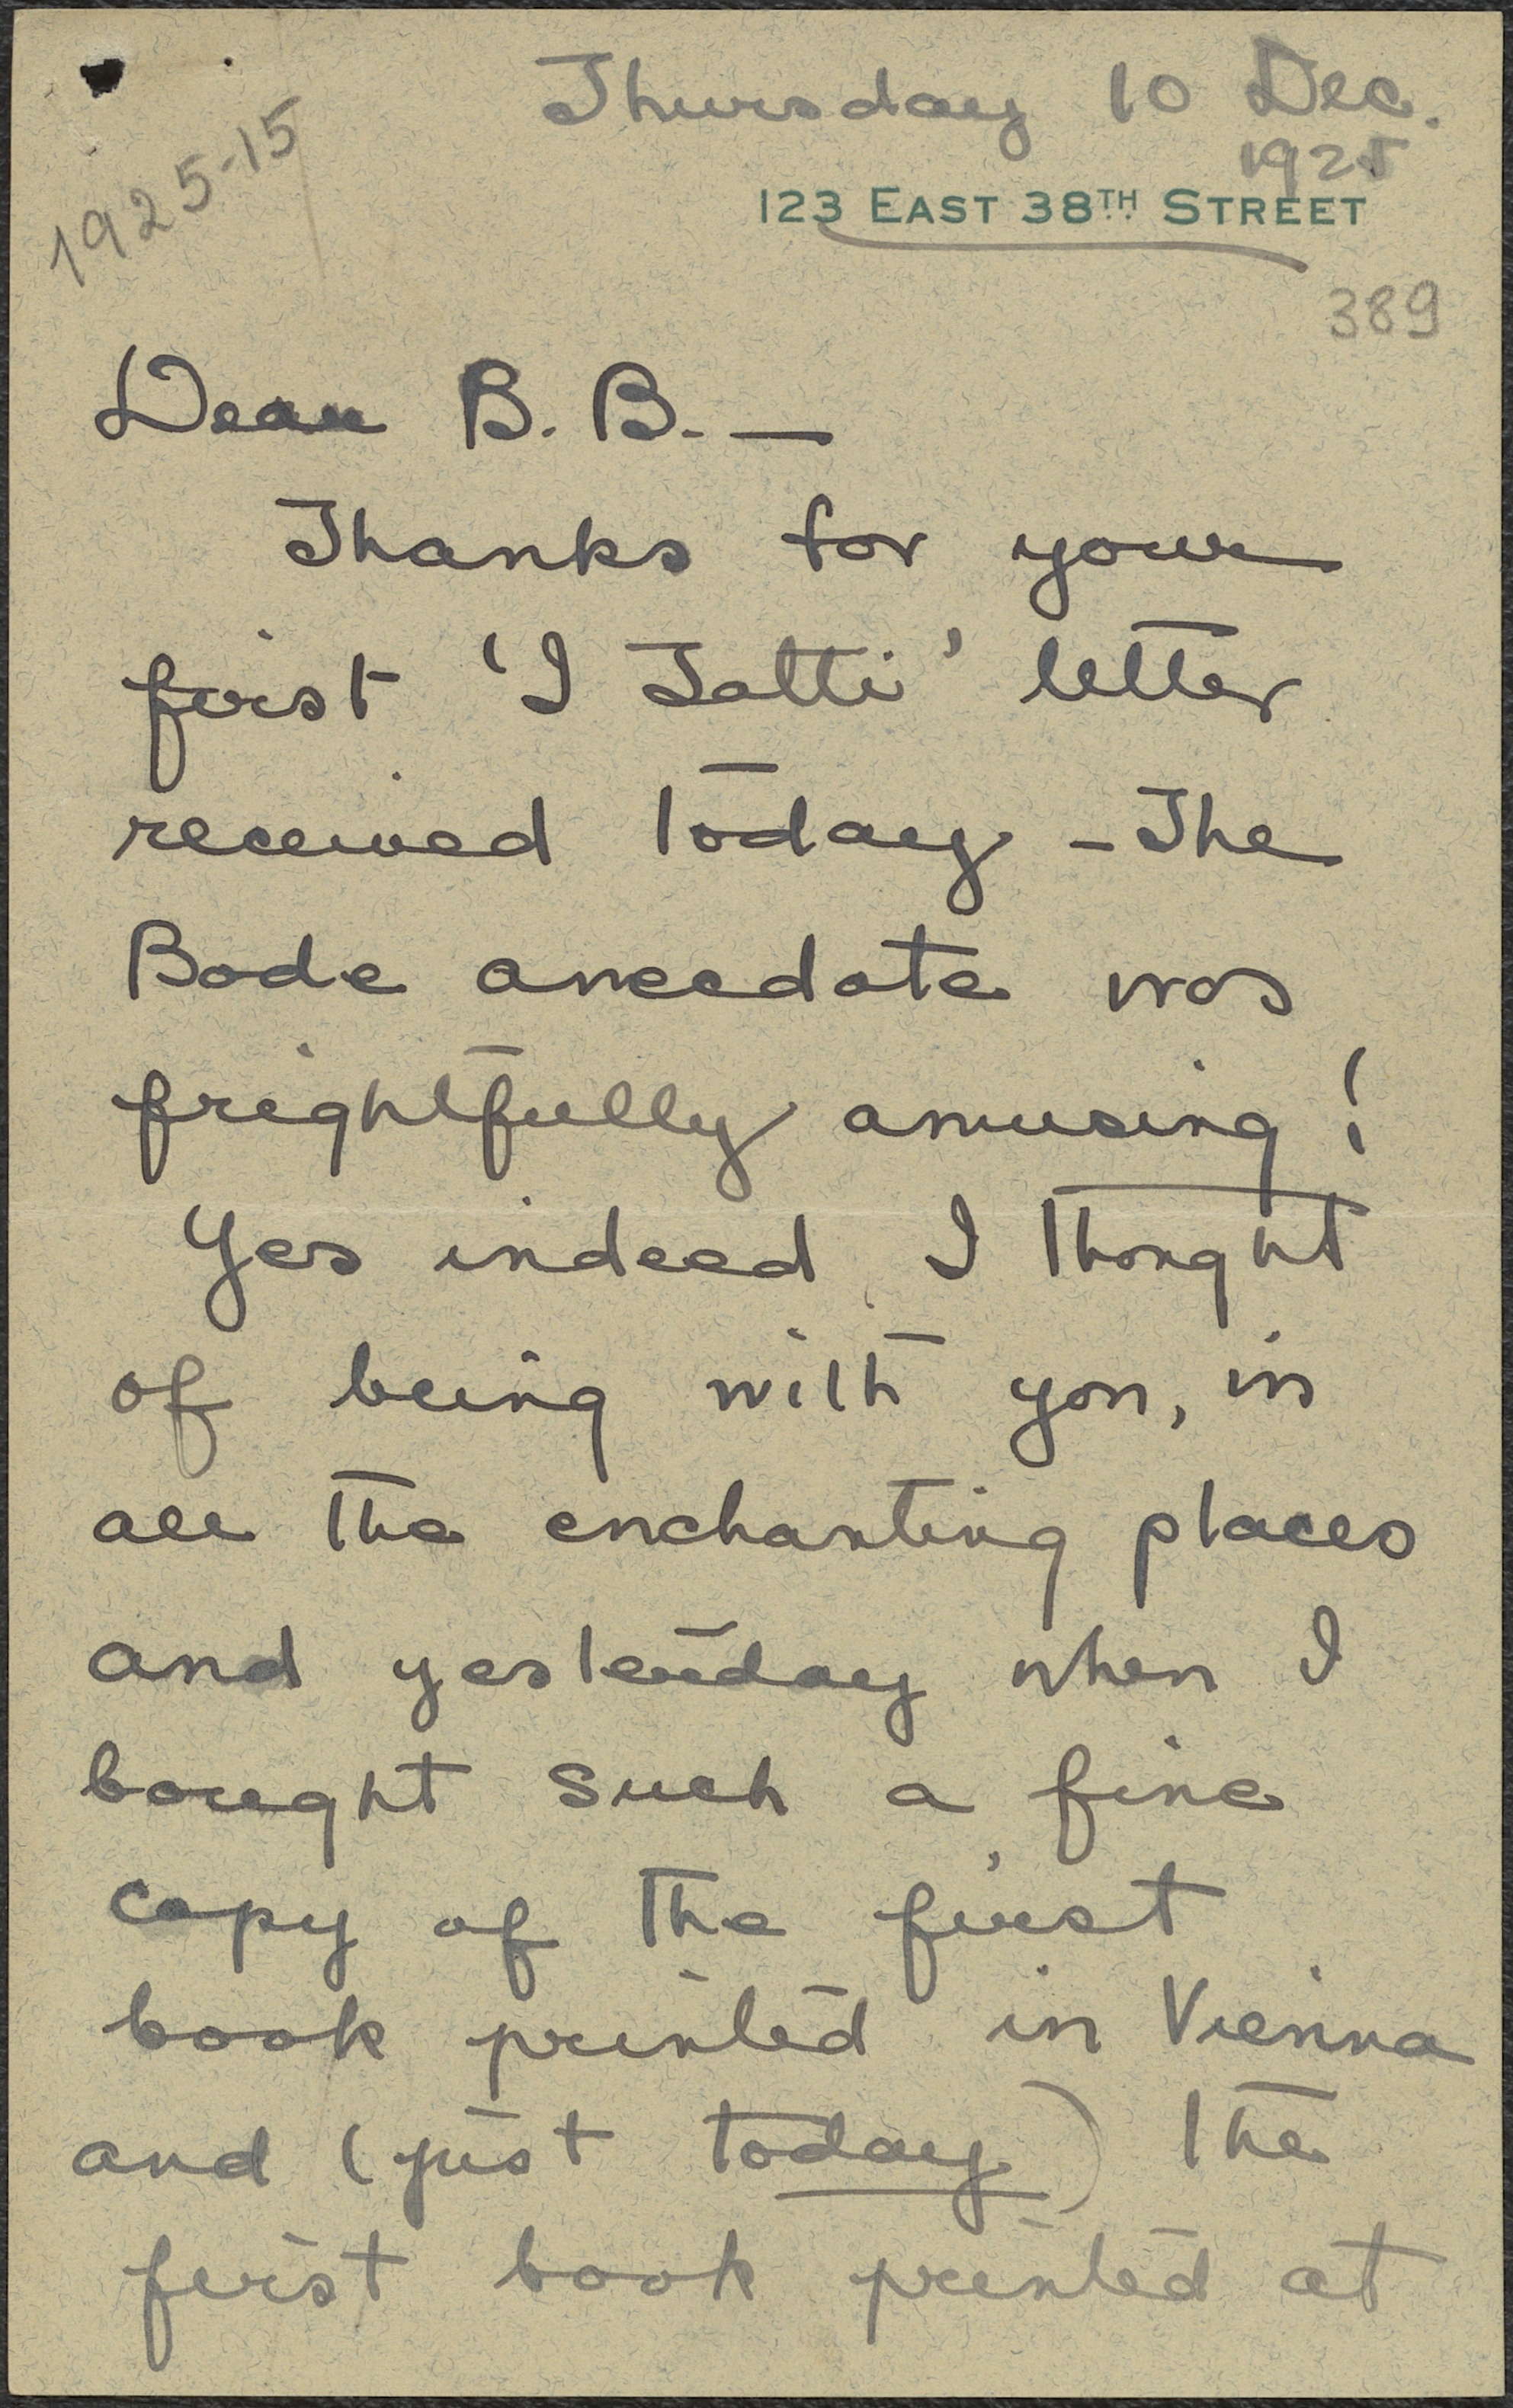Thursday 10 Dec. 1925
Dear B.B. –
Thanks for your first ‘I Tatti’ letter received today – The Bode anecdote was frightfully amusing!
Yes indeed I thought of being with you, in all the enchanting places and yesterday when I bought such a fine copy of the first book printed in Vienna and (just today) the first book printed at